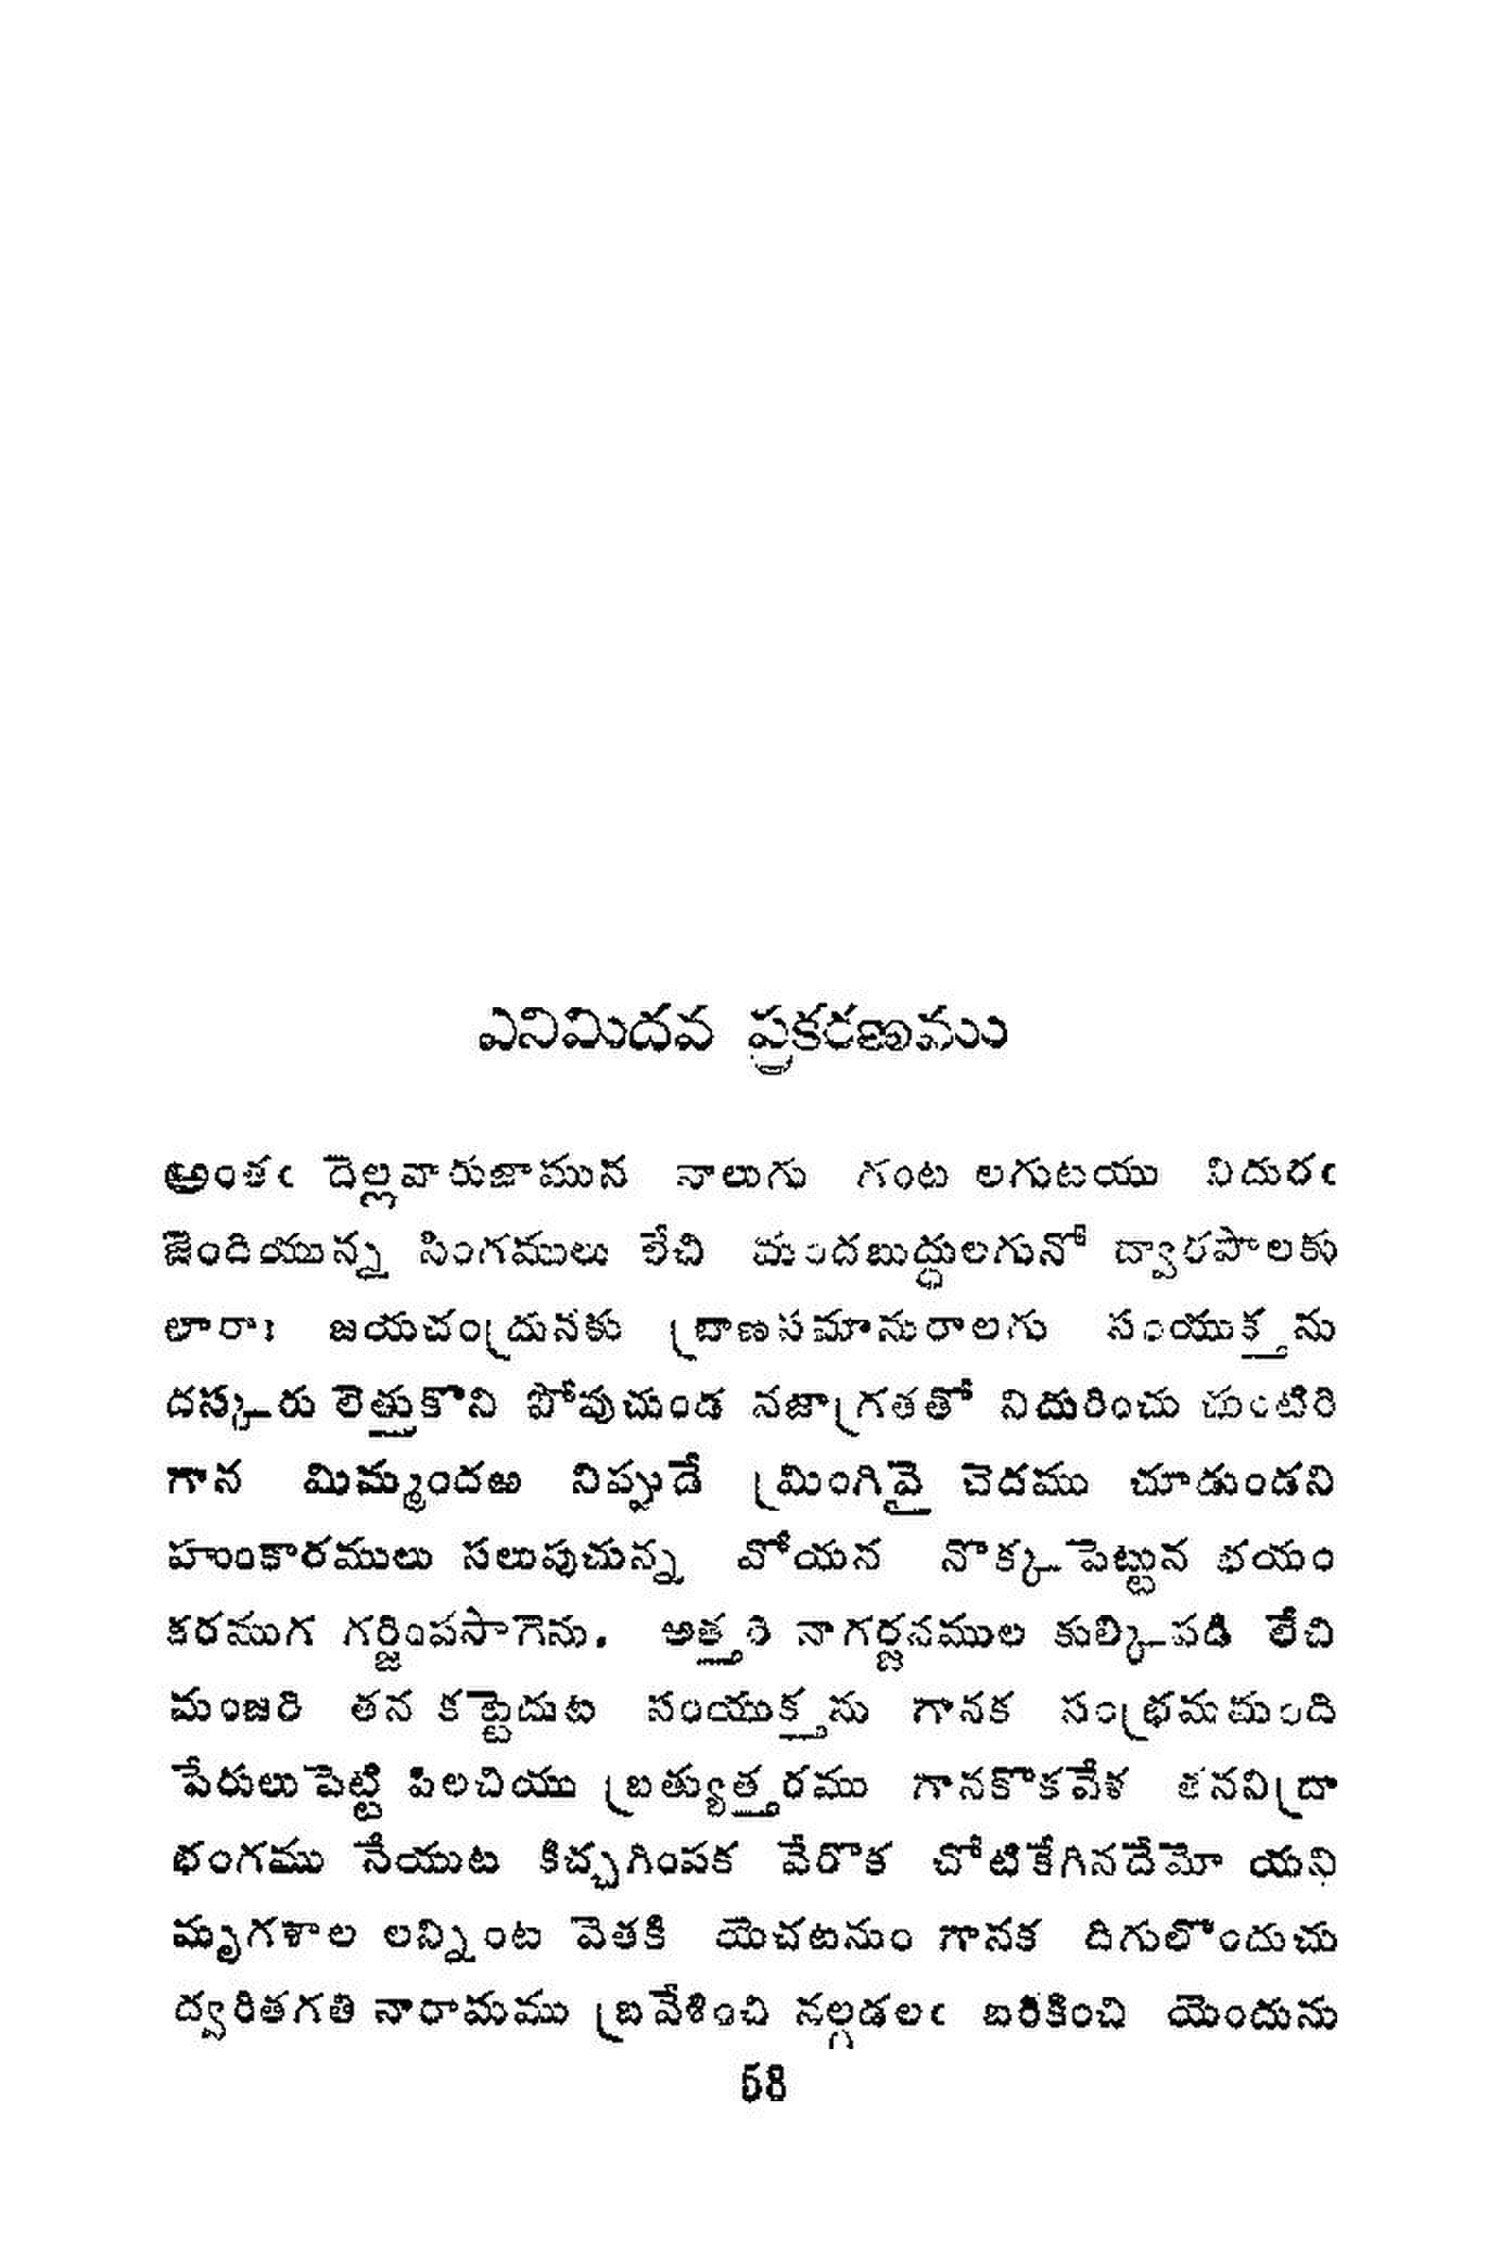ఎనిమిదవ ప్రకరణము

తఁ దెల్లవారుజామున నాలుగు గంట లగుటయు నిదురఁ జెందియున్న సింగములు లేచి మందబుద్ధులగునో ద్వారపాలకులారా! జయచంద్రునకు బ్రాణసమానురాలగు సంయుక్తను దస్కరు లెత్తుకొని పోవుచుండ నజాగ్రతతో నిదురించు చుంటిరి గాన మిమ్మందఱ నిప్పుడే మ్రింగివై చెదము చూడుండని హుంకారములు సలుపుచున్న వోయన నొక్క పెట్టున భయంకరముగ గర్జింపసాగెను. అత్తరి నాగర్జనముల కుల్కిపడి లేచి మంజరి తన కట్టెదుట సంయుక్తను గానక సంభ్రమముంది పేరులుపెట్టి పిలచియు బ్రత్యుత్తరము గానకొకవేళ తననిద్రాభంగము సేయుట కిచ్చగింపక వేరొక చోటికేగినదేమో యని మృగశాల లన్నింట వెతకి యెచటనుం గానక దిగులొందుచు ద్వరితగతి నారామము బ్రవేశించి నల్గడలఁ బరికించి యెందును